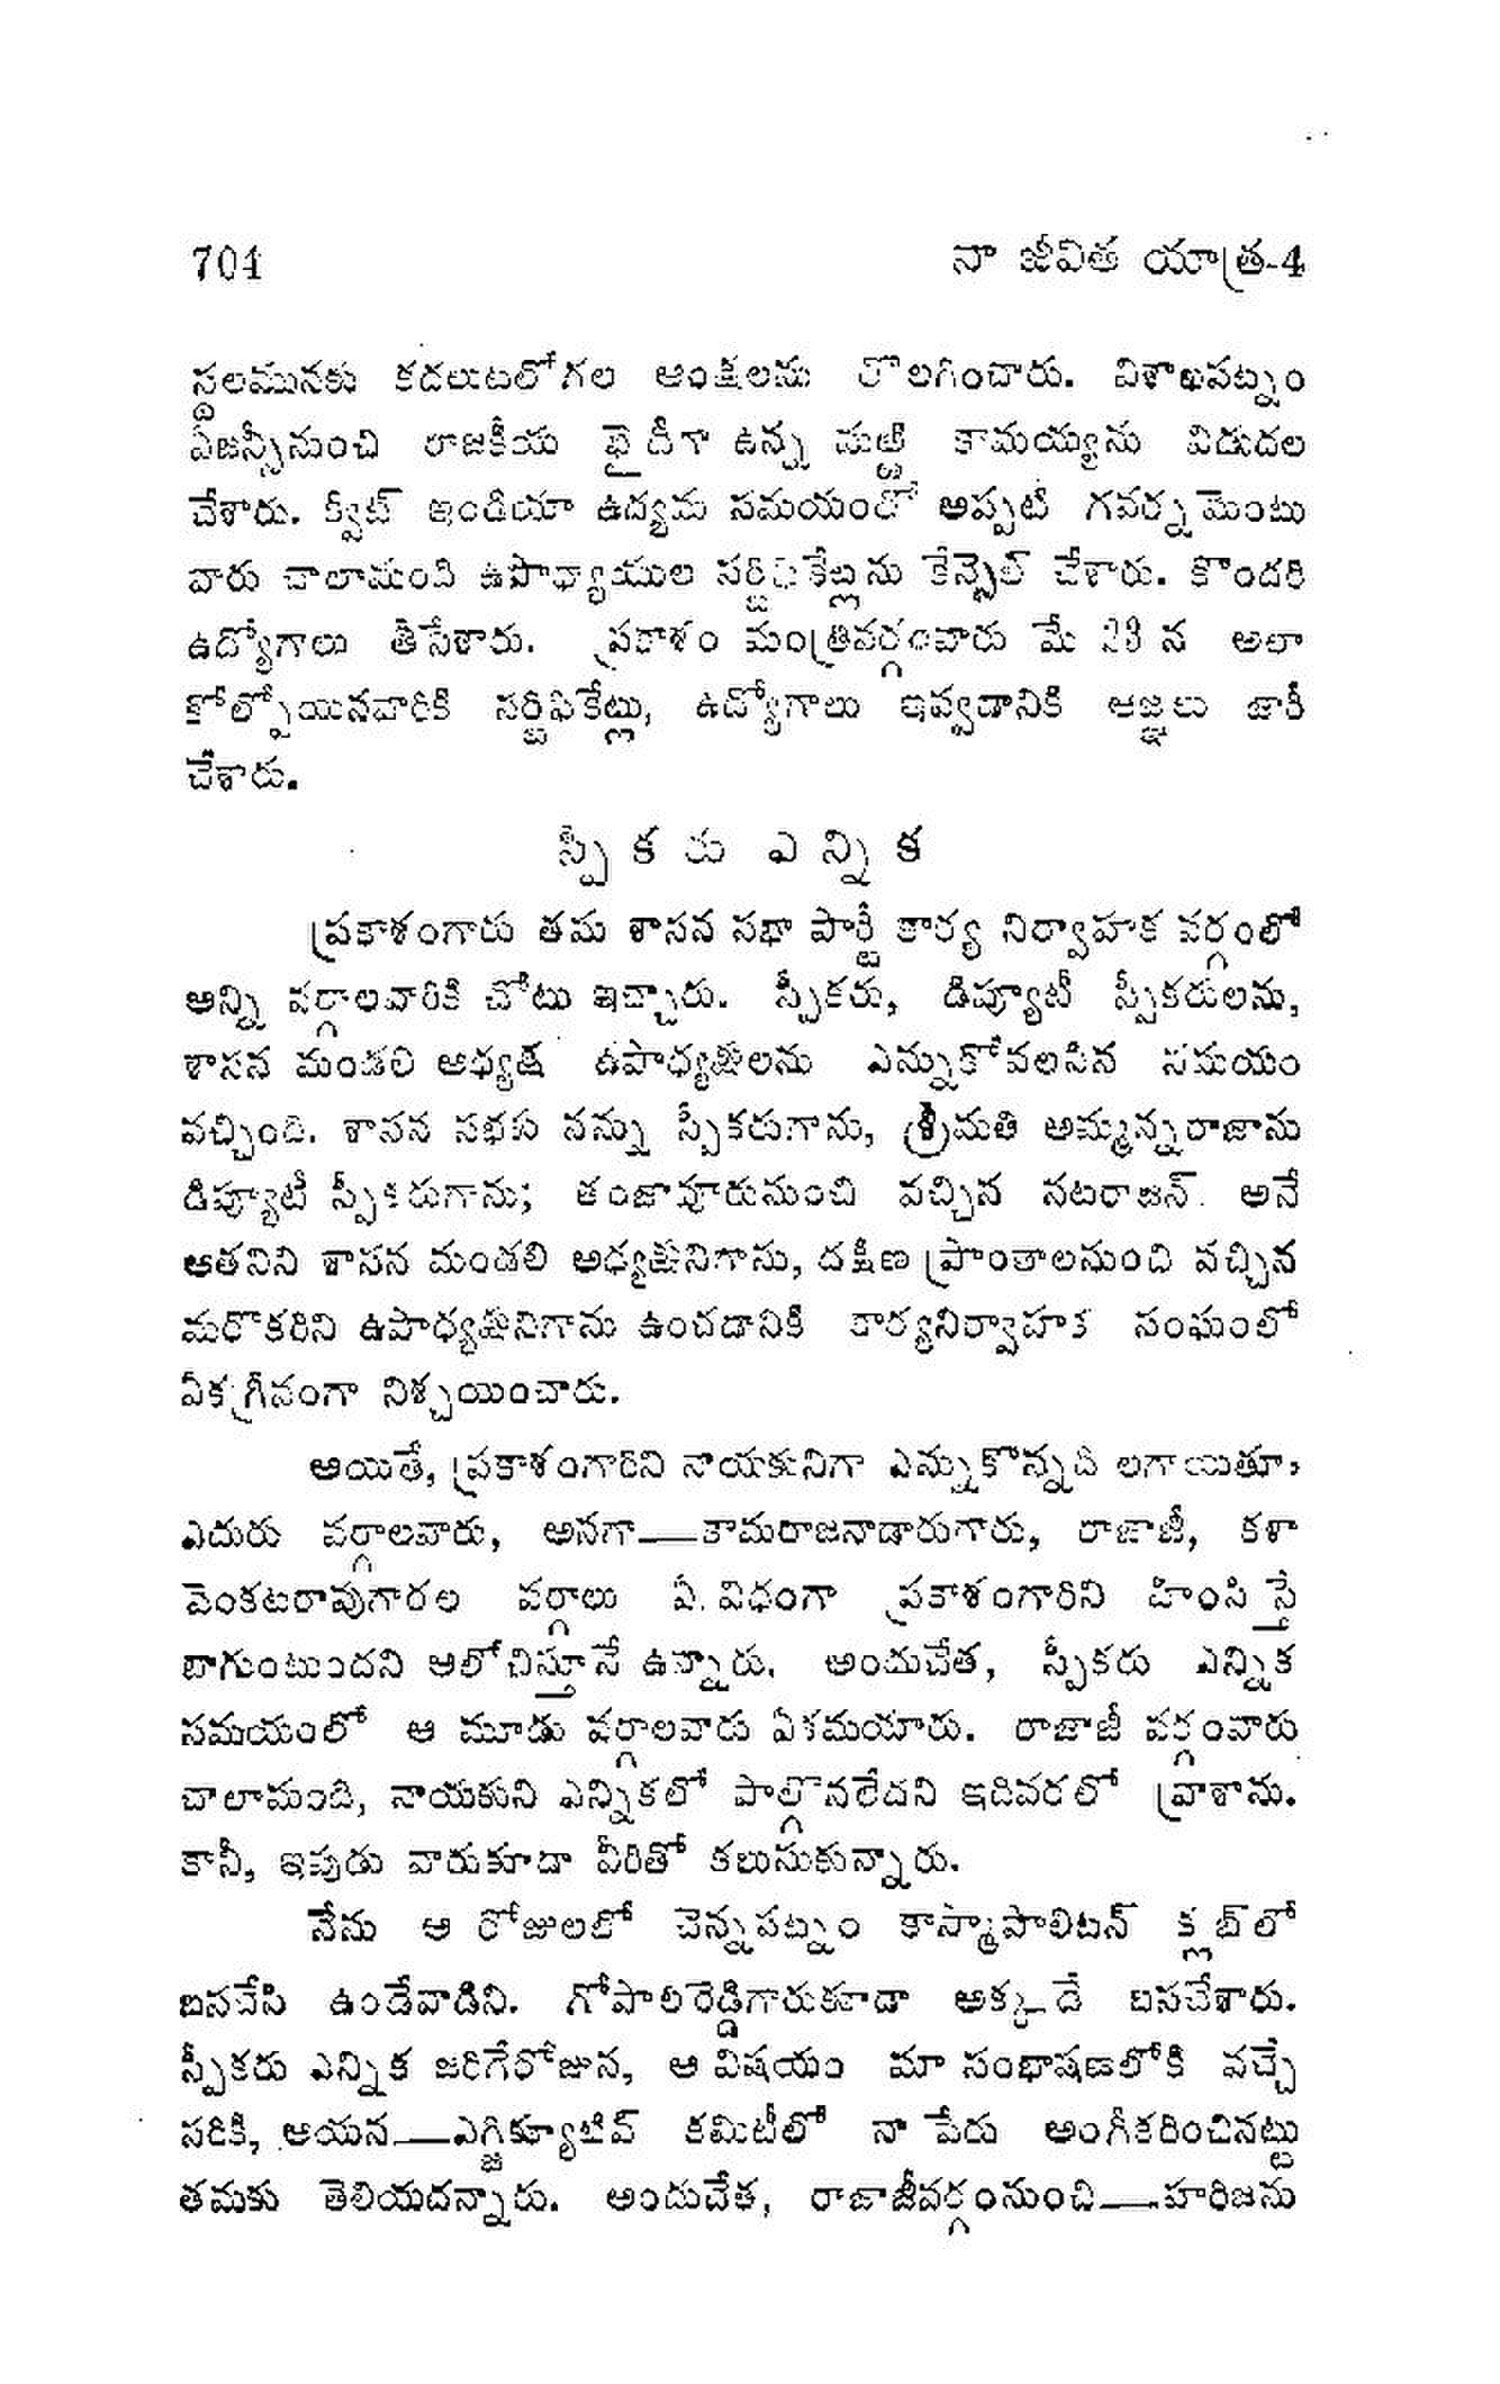స్థలమునకు కదలుటలోగల ఆంక్షలను తొలగించారు. విశాఖపట్నం ఏజన్సీనుంచి రాజకీయ ఖైదీగా ఉన్న మఱ్ఱి కామయ్యను విడుదల చేశారు. క్విట్ ఇండియా ఉద్యమ సమయంలో అప్పటి గవర్నమెంటు వారు చాలామంది ఉపాధ్యాయుల సర్టిఫికేట్లను కేన్సెల్ చేశారు. కొందరి ఉద్యోగాలు తీసేశారు. ప్రకశాశం మంత్రివర్గంవారు మే 23 న అలా కోల్పోయినవారికి సర్టిఫికేట్లు, ఉద్యోగాలు ఇవ్వడానికి ఆజ్ఞలు జారీ చేశారు.

ప్రకాశంగారు తమ శాసన సభా పార్టీ కార్య నిర్వాహక వర్గంలో అన్ని వర్గాలవారికి చోటు ఇచ్చారు. స్పీకరు, డిప్యూటీ స్పీకరులను, శాసన మండలి అధ్యక్ష ఉపాధ్యక్షులను ఎన్నుకోవలసిన సమయం వచ్చింది. శాసన సభకు నన్ను స్పీకరుగాను, శ్రీమతి అమ్మన్నరాజాను డిప్యూటీ స్పీకరుగాను; తంజావూరునుంచి వచ్చిన నటరాజన్ అనే అతనిని శాసన మండలి అధ్యక్షునిగాను, దక్షిణ ప్రాంతాలనుంచి వచ్చిన మరొకరిని ఉపాధ్యక్షునిగాను ఉండడానికి కార్యనిర్వాహక సంఘంలో ఏకగ్రీవంగా నిశ్చయించారు.

అయితే, ప్రకాశంగారిని నాయకునిగా ఎన్నుకొన్నది లగాయితూ, ఎదురు వర్గాలవారు, అనగా - కామరాజనాడారుగారు, రాజాజీ, కళా వెంకటరావుగారల వర్గాలు ఏ విధంగా ప్రకాశంగారిని హింసిస్తే బాగుంటుందని అలోచిస్తూనే ఉన్నారు. అందుచేత, స్పీకరు ఎన్నిక సమయంలో ఆ మూడు వర్గాలవారు ఏకమయారు. రాజాజీ వర్గంవారు చాలామంది, నాయకుని ఎన్నికలలో పాల్గొనలేదని ఇదివరలో వ్రాశాను. కానీ, ఇపుడు వారుకూడా వీరితో కలుసుకున్నారు.

నేను ఆ రోజులలో చెన్నపట్నం కాస్మాపాలిటిన్ క్లబ్‌లో బసచేసి ఉండేవాడిని. గోపాలరెడ్డిగారుకూడా అక్కడే బసచేశారు. స్పీకరు ఎన్నిక జరిగేరోజున, ఆ విషయం మా సంభాషణలోకి వచ్చేసరికి, ఆయన - ఎగ్జిక్యూటివ్ కమిటీలో నా పేరు అంగీకరించినట్టు తమకు తెలియదన్నారు. అందుచేత, రాజాజీవర్గంనుంచి - హరిజను